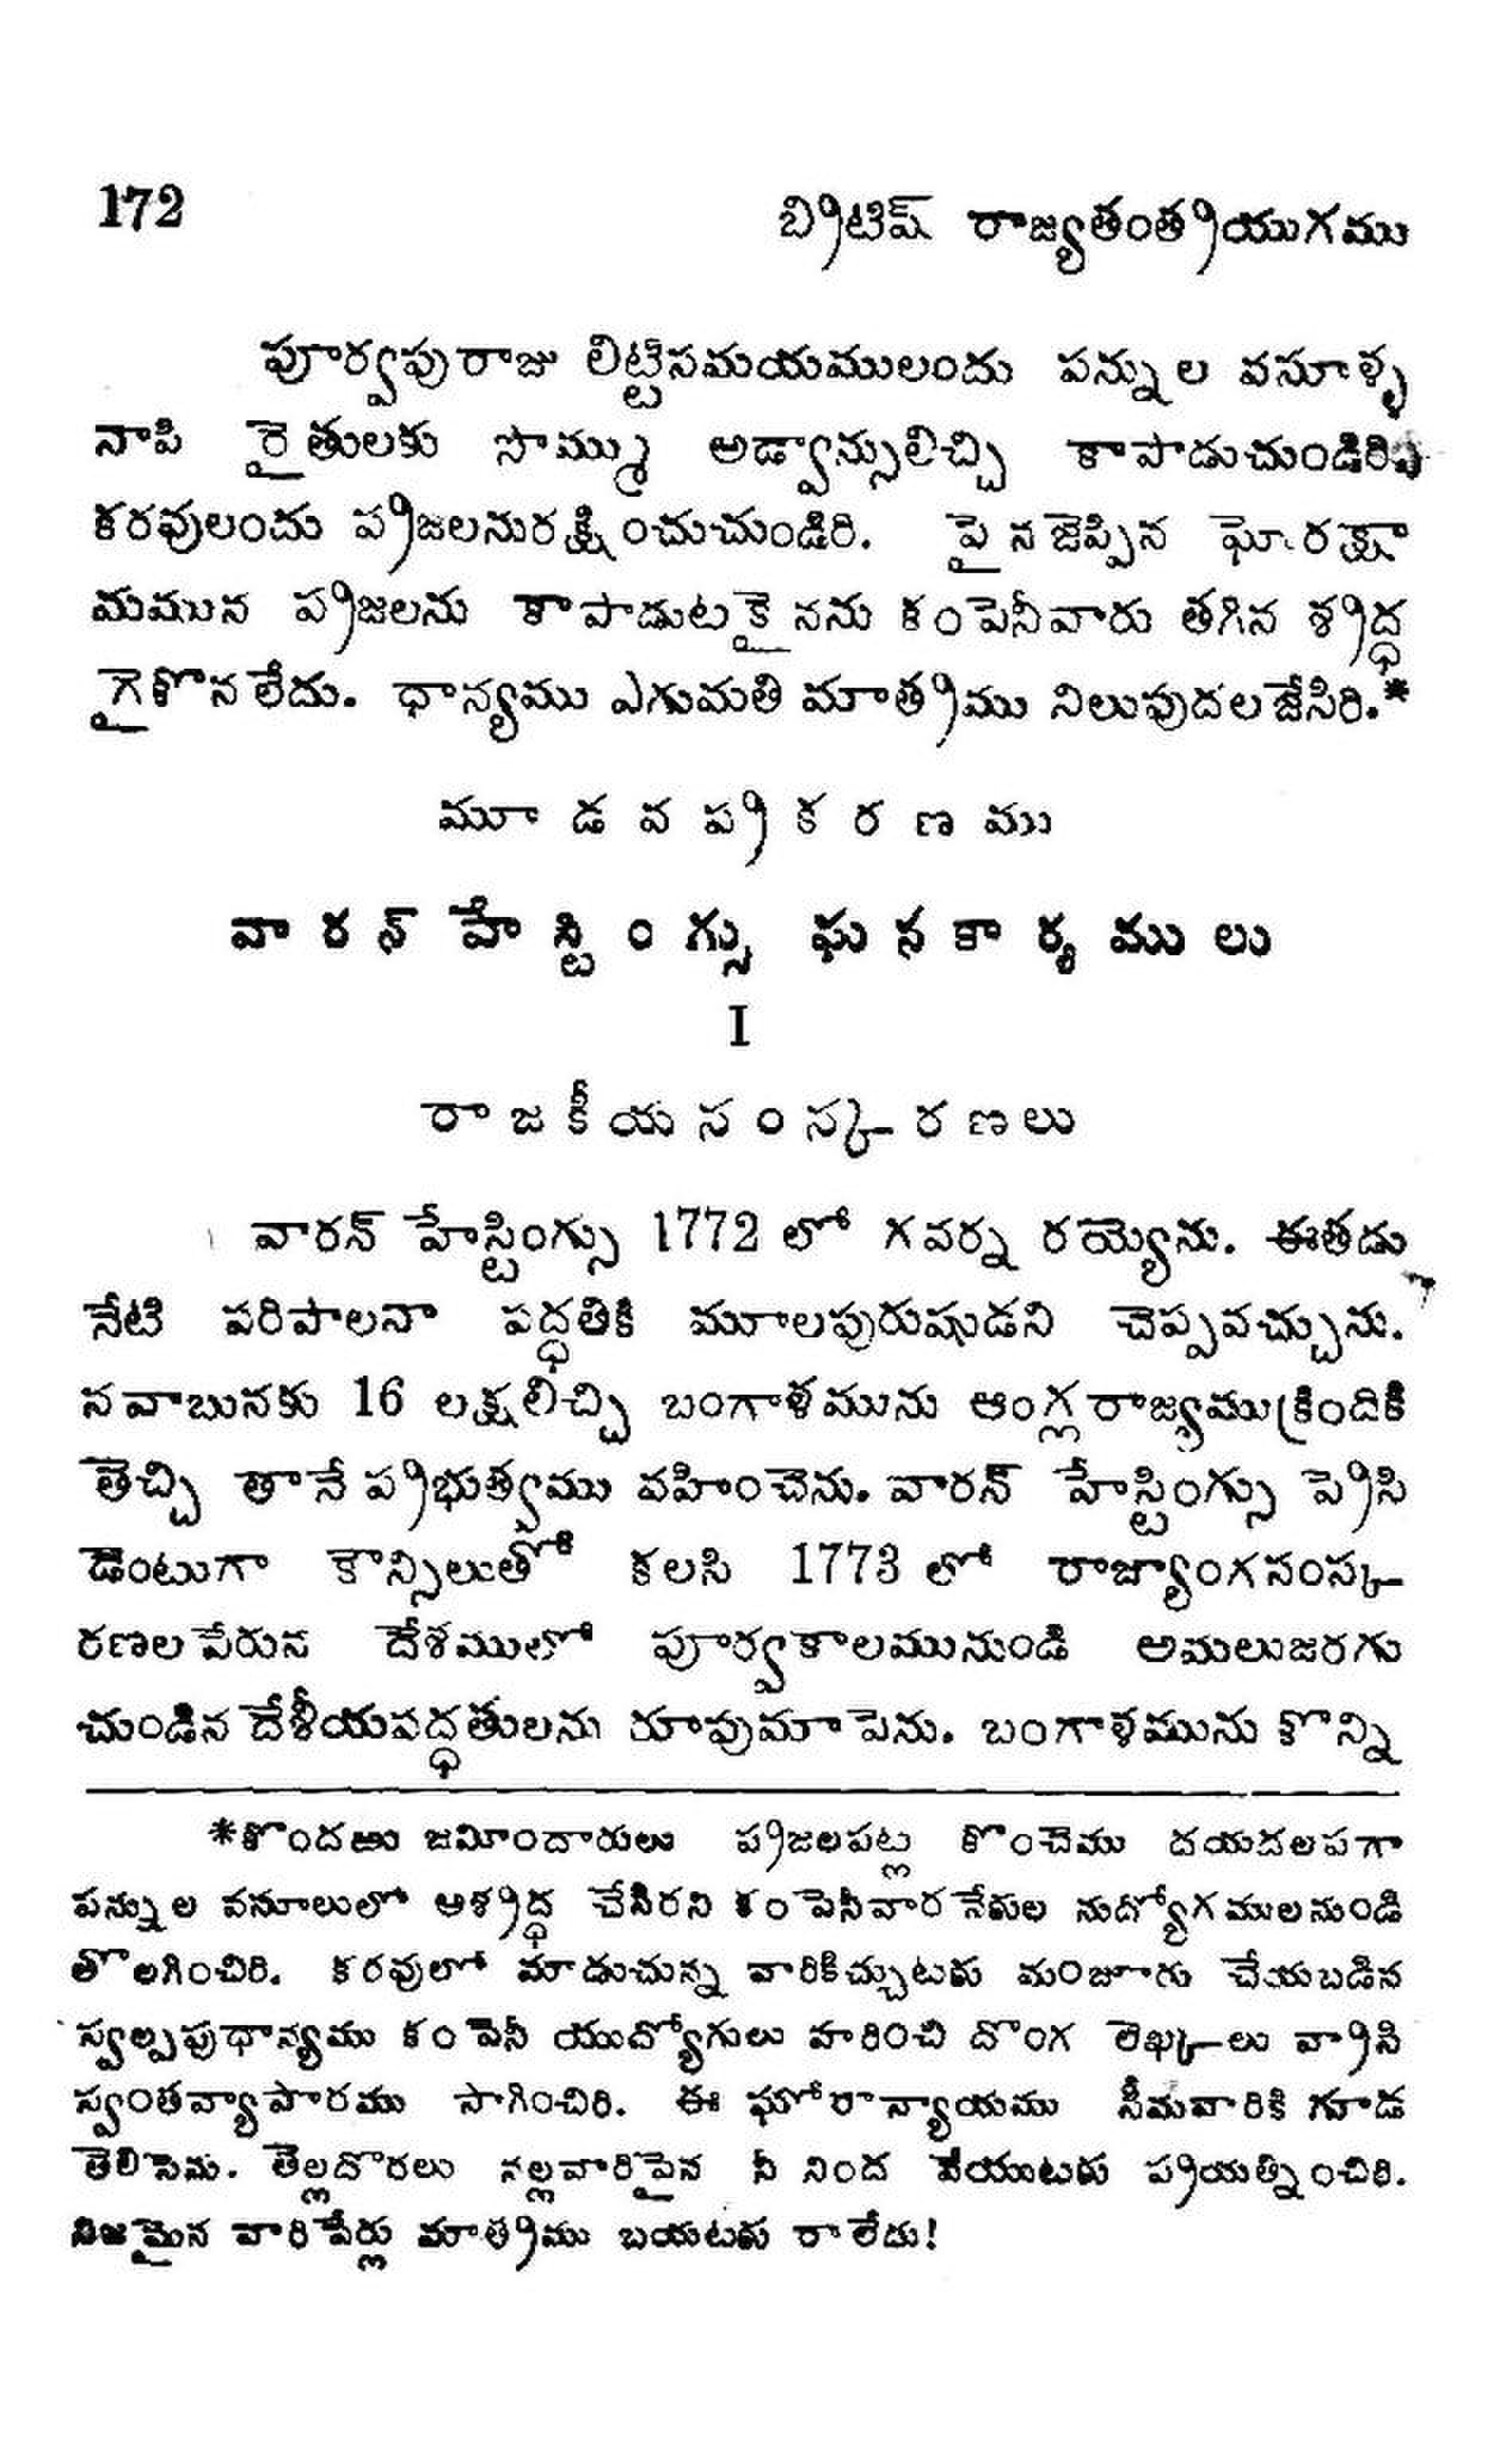పూర్వపురాజు లిట్టిసమయములందు పన్నుల వసూళ్ళ నాపి రైతులకు సొమ్ము అడ్వాన్సులిచ్చి కాపాడుచుండిరి. కరవులందు ప్రజలనురక్షించుచుండిరి. పైనజెప్పిన ఘోరక్షామమున ప్రజలను కాపాడుటకైనను కంపెనీవారు తగిన శ్రద్ధ గైకొనలేదు. ధాన్యము ఎగుమతి మాత్రము నిలుపుదల జేసిరి. 

మూడవ ప్రకరణము 
వారన్ హేస్టింగ్సు ఘనకార్యములు
I
రాజకీయ సంస్కరణలు 

వారన్ హేస్టింగ్సు 1772 లో గవర్న రయ్యెను. ఈతడు నేటి పరిపాలనా పద్దతికి మూలపురుషుడని చెప్పవచ్చును. నవాబునకు 16 లక్షలిచ్చి బంగాళమును ఆంగ్లరాజ్యముక్రిందికి తెచ్చి తానే ప్రభుత్వము వహించెను. వారన్ హేస్టింగ్సు ప్రెసిడెంటుగా కౌన్సిలుతో కలసి 1773 లో రాజ్యంగసంస్కరణల పేరున దేశములో పూర్వకాలమునుండి అమలుజరగు చుండిన దేశీయ పద్ధతులను రూపుమాపెను. బంగాళమును కొన్ని